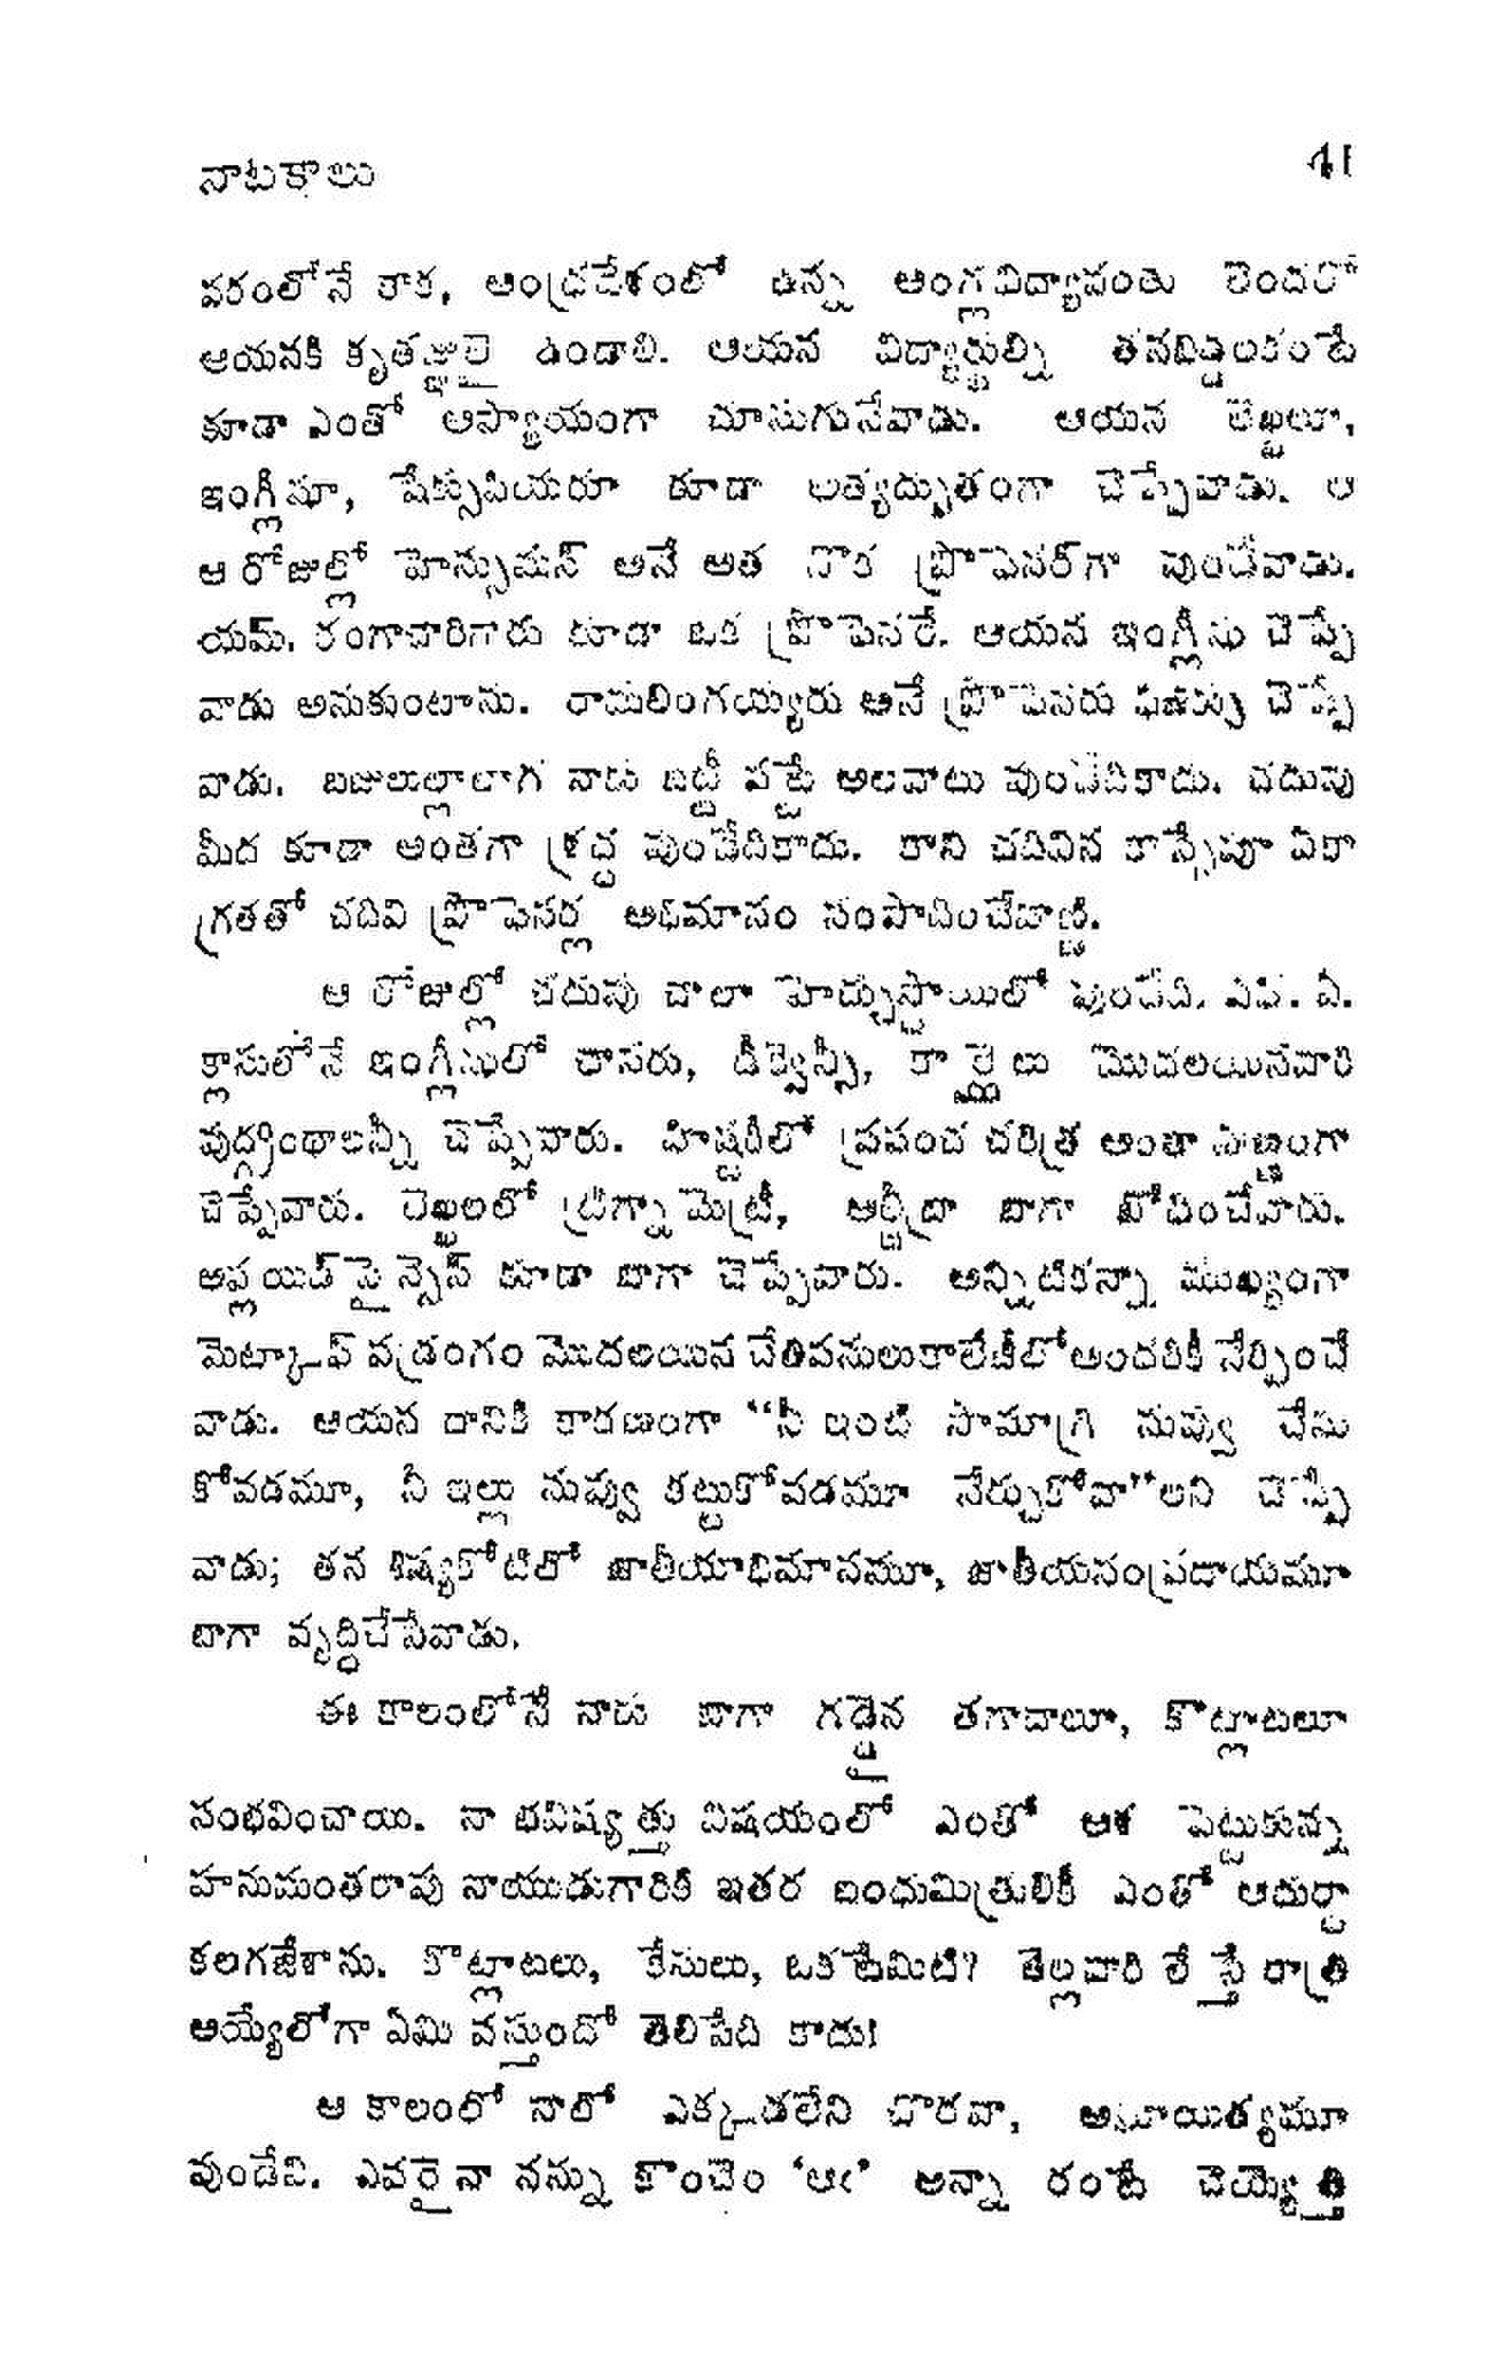వరంలోనే కాక, ఆంధ్రదేశంలో ఉన్న ఆంగ్లవిద్యావంతు లెందరో ఆయనకి కృతజ్ఞులై ఉండాలి. ఆయన విద్యార్థుల్ని తనబిడ్డలకంటే కూడా ఎంతో ఆప్యాయంగా చూసుగునేవాడు. ఆయన లెఖ్ఖలూ, ఇంగ్లీషూ, షేక్సుపియరూ కూడా అత్యద్భుతంగా చెప్పేవాడు. ఆరోజుల్లో హెన్సుమన్ అనే అత నొక ప్రొఫెసర్‌గా వుండేవాడు. యమ్. రంగాచారిగారు కూడా ఒక ప్రొఫెసరే. ఆయన ఇంగ్లీషు చెప్పేవాడు అనుకుంటాను. రామలింగయ్యరు అనే ప్రొఫెసరు ఫిజిక్సు చెప్పేవాడు. బజులుల్లాలాగ నాకు బట్టీ పట్టే అలవాటు వుండేదికాదు. చదువు మీద కూడా అంతగా శ్రద్ధ వుండేదికాదు. కాని చదివిన కాస్సేపూ ఏకాగ్రతతో చదివి ప్రొఫెసర్ల అభిమానం సంపాదించేవాణ్ణి.

ఆ రోజుల్లో చదువు చాలా హెచ్చుస్థాయిలో వుండేది. ఎఫ్. ఏ. క్లాసులోనే ఇంగ్లీషులో ఛాసరు, డీక్వీన్సీ, కార్లైలు మొదలయిన వారి వుద్గ్రాంథాలన్నీ చెప్పేవారు. హిష్టరీలో ప్రపంచ చరిత్ర అంతా క్షుణ్ణంగా చెప్పేవారు. లెఖ్ఖలలో ట్రిగ్నామెట్రీ, ఆల్జీబ్రా బాగా బోధించేవారు. అప్లయిడ్‌సైన్సెస్ కూడా బాగా చెప్పేవారు. అన్నిటికన్నా ముఖ్యంగా మెట్కాప్ వడ్రంగం మొదలయిన చేతిపనులు కాలేజీలో అందరికీ నేర్పించే వాడు. ఆయన దానికి కారణంగా "నీ ఇంటి సామగ్రి నువ్వు చేసుకోవడమూ, నీ ఇల్లు నువ్వు కట్టుకోవడమూ నేర్చుకోవా"లని చెప్పేవాడు; తన శిష్యకోటిలో జాతీయాభిమానమూ, జాతీయసంప్రదాయమూ బాగా వృద్ధిచేసేవాడు.

ఈ కాలంలోనే నాకు బాగా గడ్డైన తగాదాలూ, కొట్లాటలూ సంభవించాయి. నా భవిష్యత్తు విషయంలో ఎంతో ఆశ పెట్టుకున్న హనుమంతరావు నాయుడుగారికి ఇతర బంధుమిత్రులికీ ఎంతో ఆదుర్దా కలగజేశాను. కొట్లాటలు, కేసులు, ఒకటేమిటి? తెల్లవారి లేస్తే రాత్రి అయ్యేలోగా ఏమి వస్తుందో తెలిసేది కాదు!

ఆ కాలంలో నాలో ఎక్కడలేని చొరవా, అఘాయిత్యమూ వుండేవి. ఎవరైనా నన్ను కొంచెం 'ఆ' అన్నా రంటే చెయ్యెత్తి